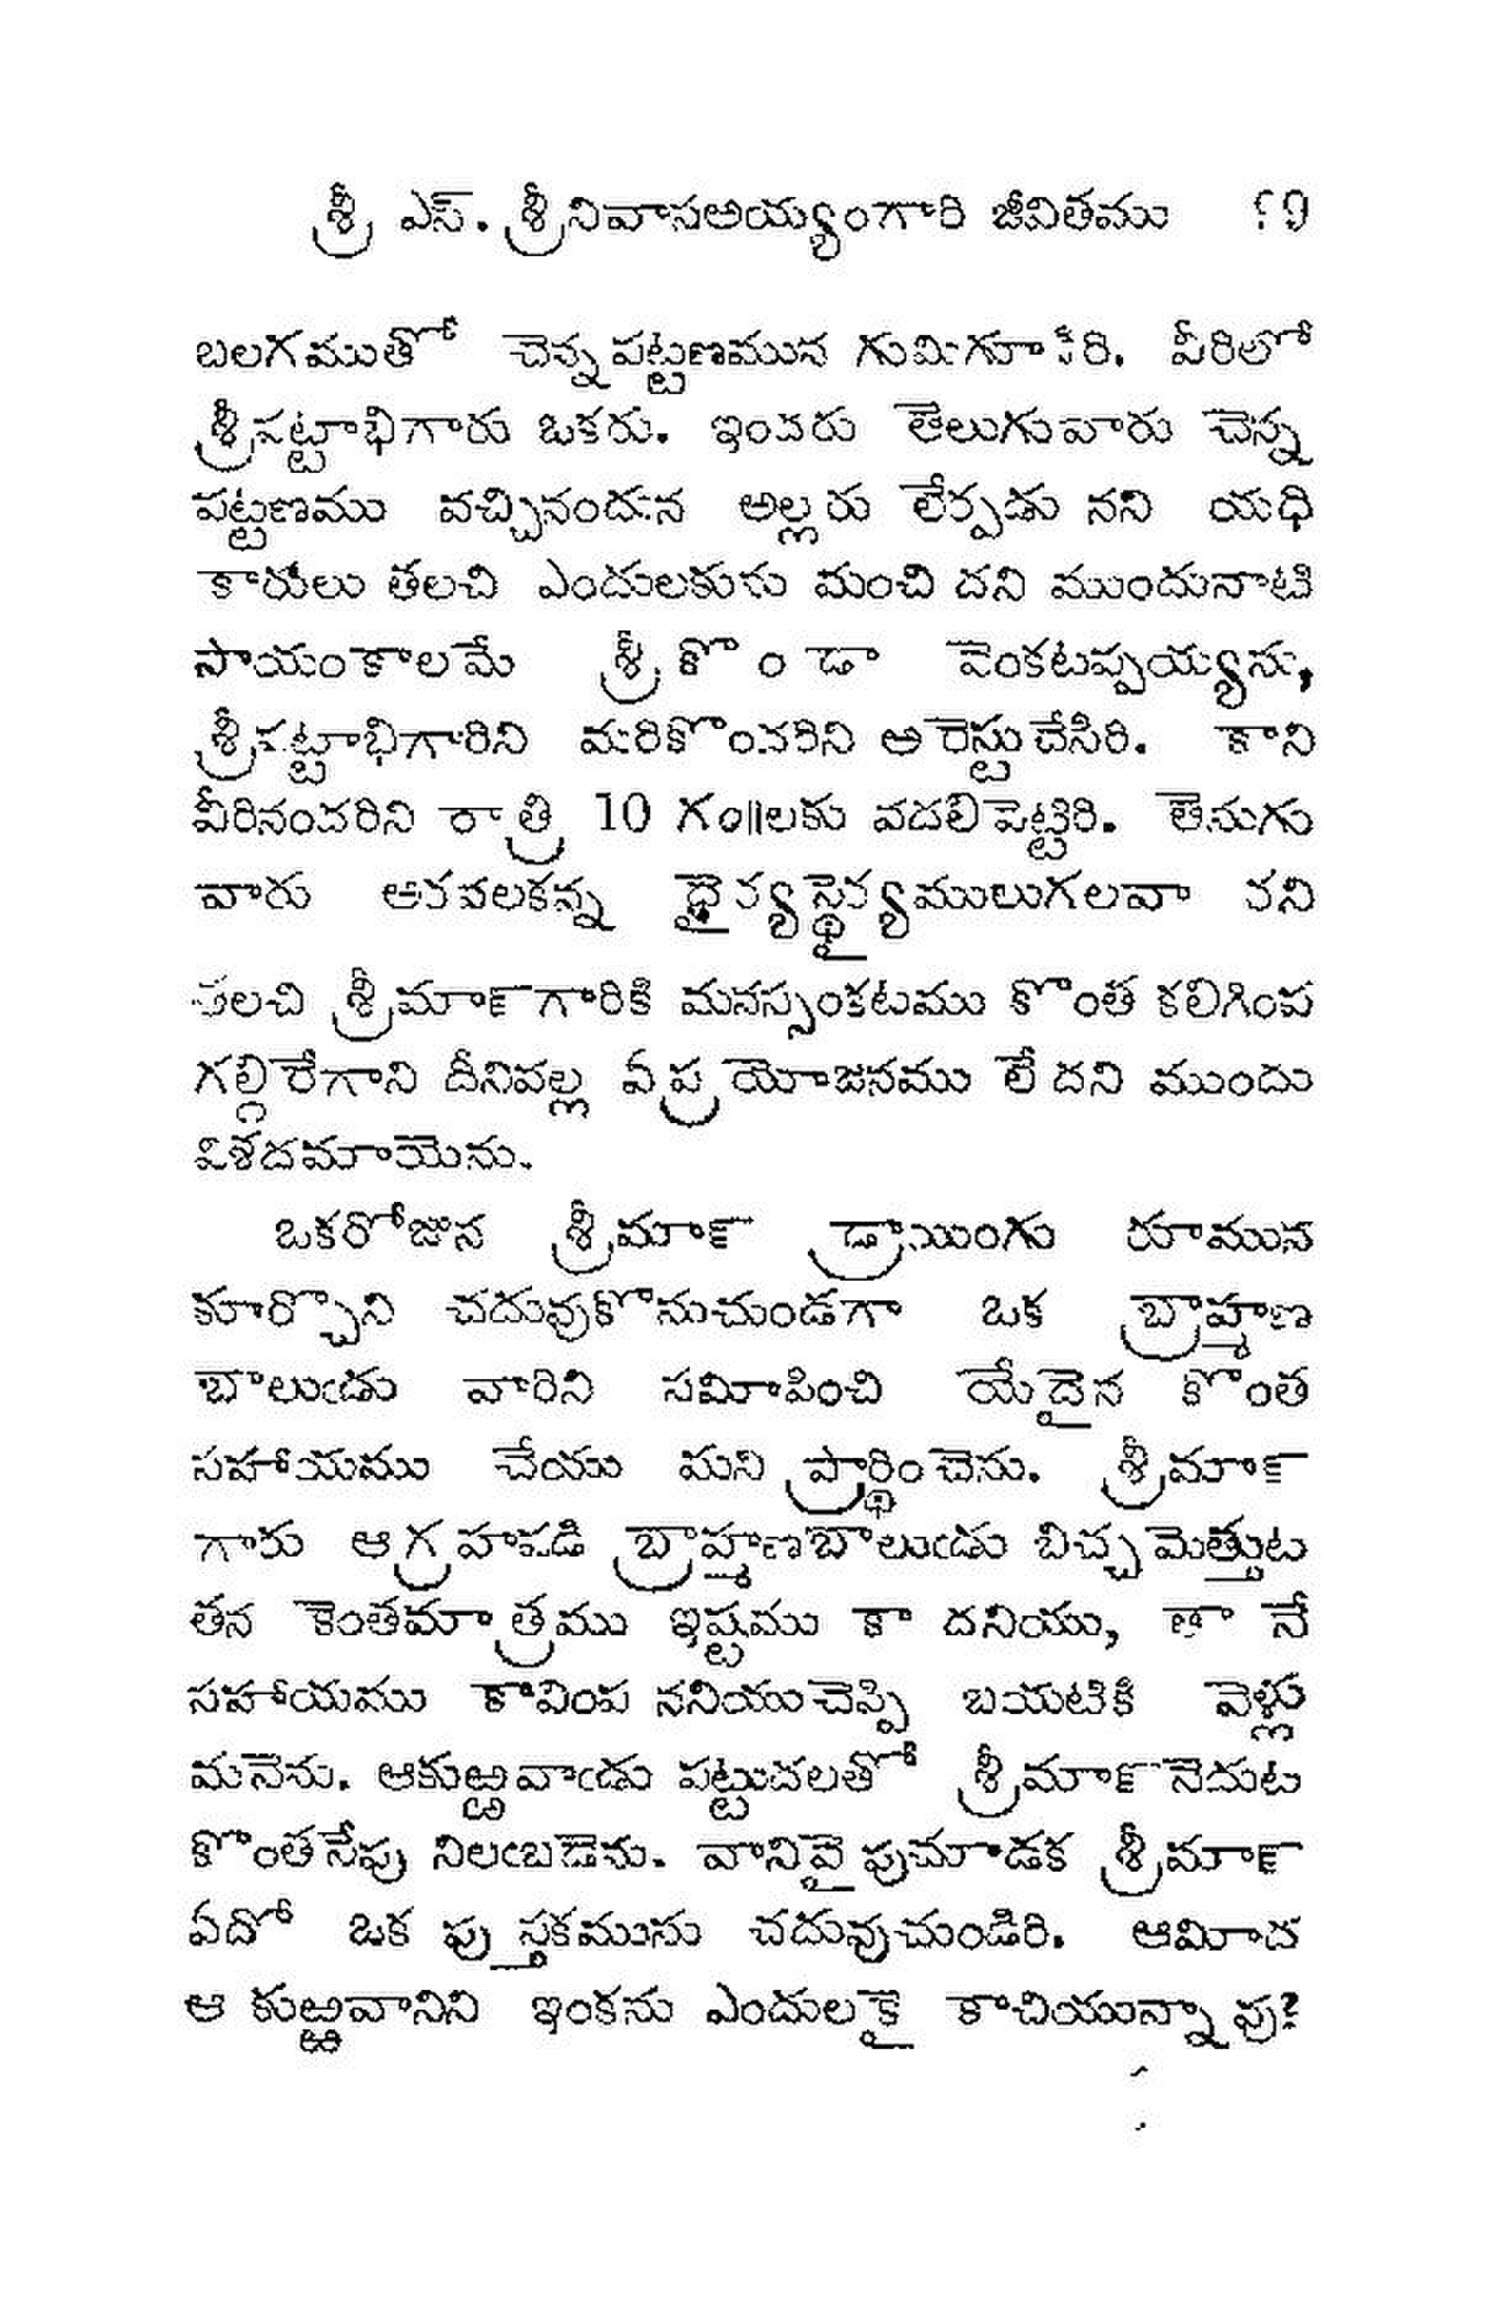బలగముతో చెన్నపట్టణమున గుమిగూడిరి. వీరిలో శ్రీపట్టాభిగారు ఒకరు. ఇందరు తెలుగువారు చెన్నపట్టణము వచ్చినందున అల్లరు లేర్పడు నని యధికారులు తలచి ఎందులకును మంచిదని ముందునాటి సాయంకాలమే శ్రీ కొండా వెంకటప్పయ్యను, శ్రీపట్టాభిగారిని మరికొందరిని అరెస్టు చేసిరి. కాని వీరినందరిని రాత్రి 10 గం||లకు వదలిపెట్టిరి. తెనుగువారు అరవలకన్న ధైర్యస్థైర్యములుగలవా రని తలచి శ్రీమా౯గారికి మనస్సంకటము కొంత కలిగింప గల్గిరేగాని దీనివల్ల ఏప్రయోజనము లేదని ముందు విశదమాయెను.

ఒకరోజున శ్రీమా౯ డ్రాయింగు రూమున కూర్చొని చదువుకొనుచుండగా ఒక బ్రాహ్మణ బాలుఁడు వారిని సమీపించి యేదైన కొంత సహాయము చేయుమని ప్రార్థించెను. శ్రీమా౯గారు ఆగ్రహపడి బ్రాహ్మణబాలుఁడు బిచ్చమెత్తుట తన కెంతమాత్రము ఇష్టము కా దనియు, తా నే సహాయము కావింప ననియుచెప్పి బయటికి వెళ్లుమనెను. ఆకుఱ్ఱవాడు పట్టుదలతో శ్రీమా౯నెదుట కొంతసేపు నిలఁబడెను. వానివైపుచూడక శ్రీమా౯ ఏదో ఒక పుస్తకమును చదువుచుండిరి. ఆమీద ఆ కుఱ్ఱవానిని ఇంకను ఎందులకై కాచియున్నావు?